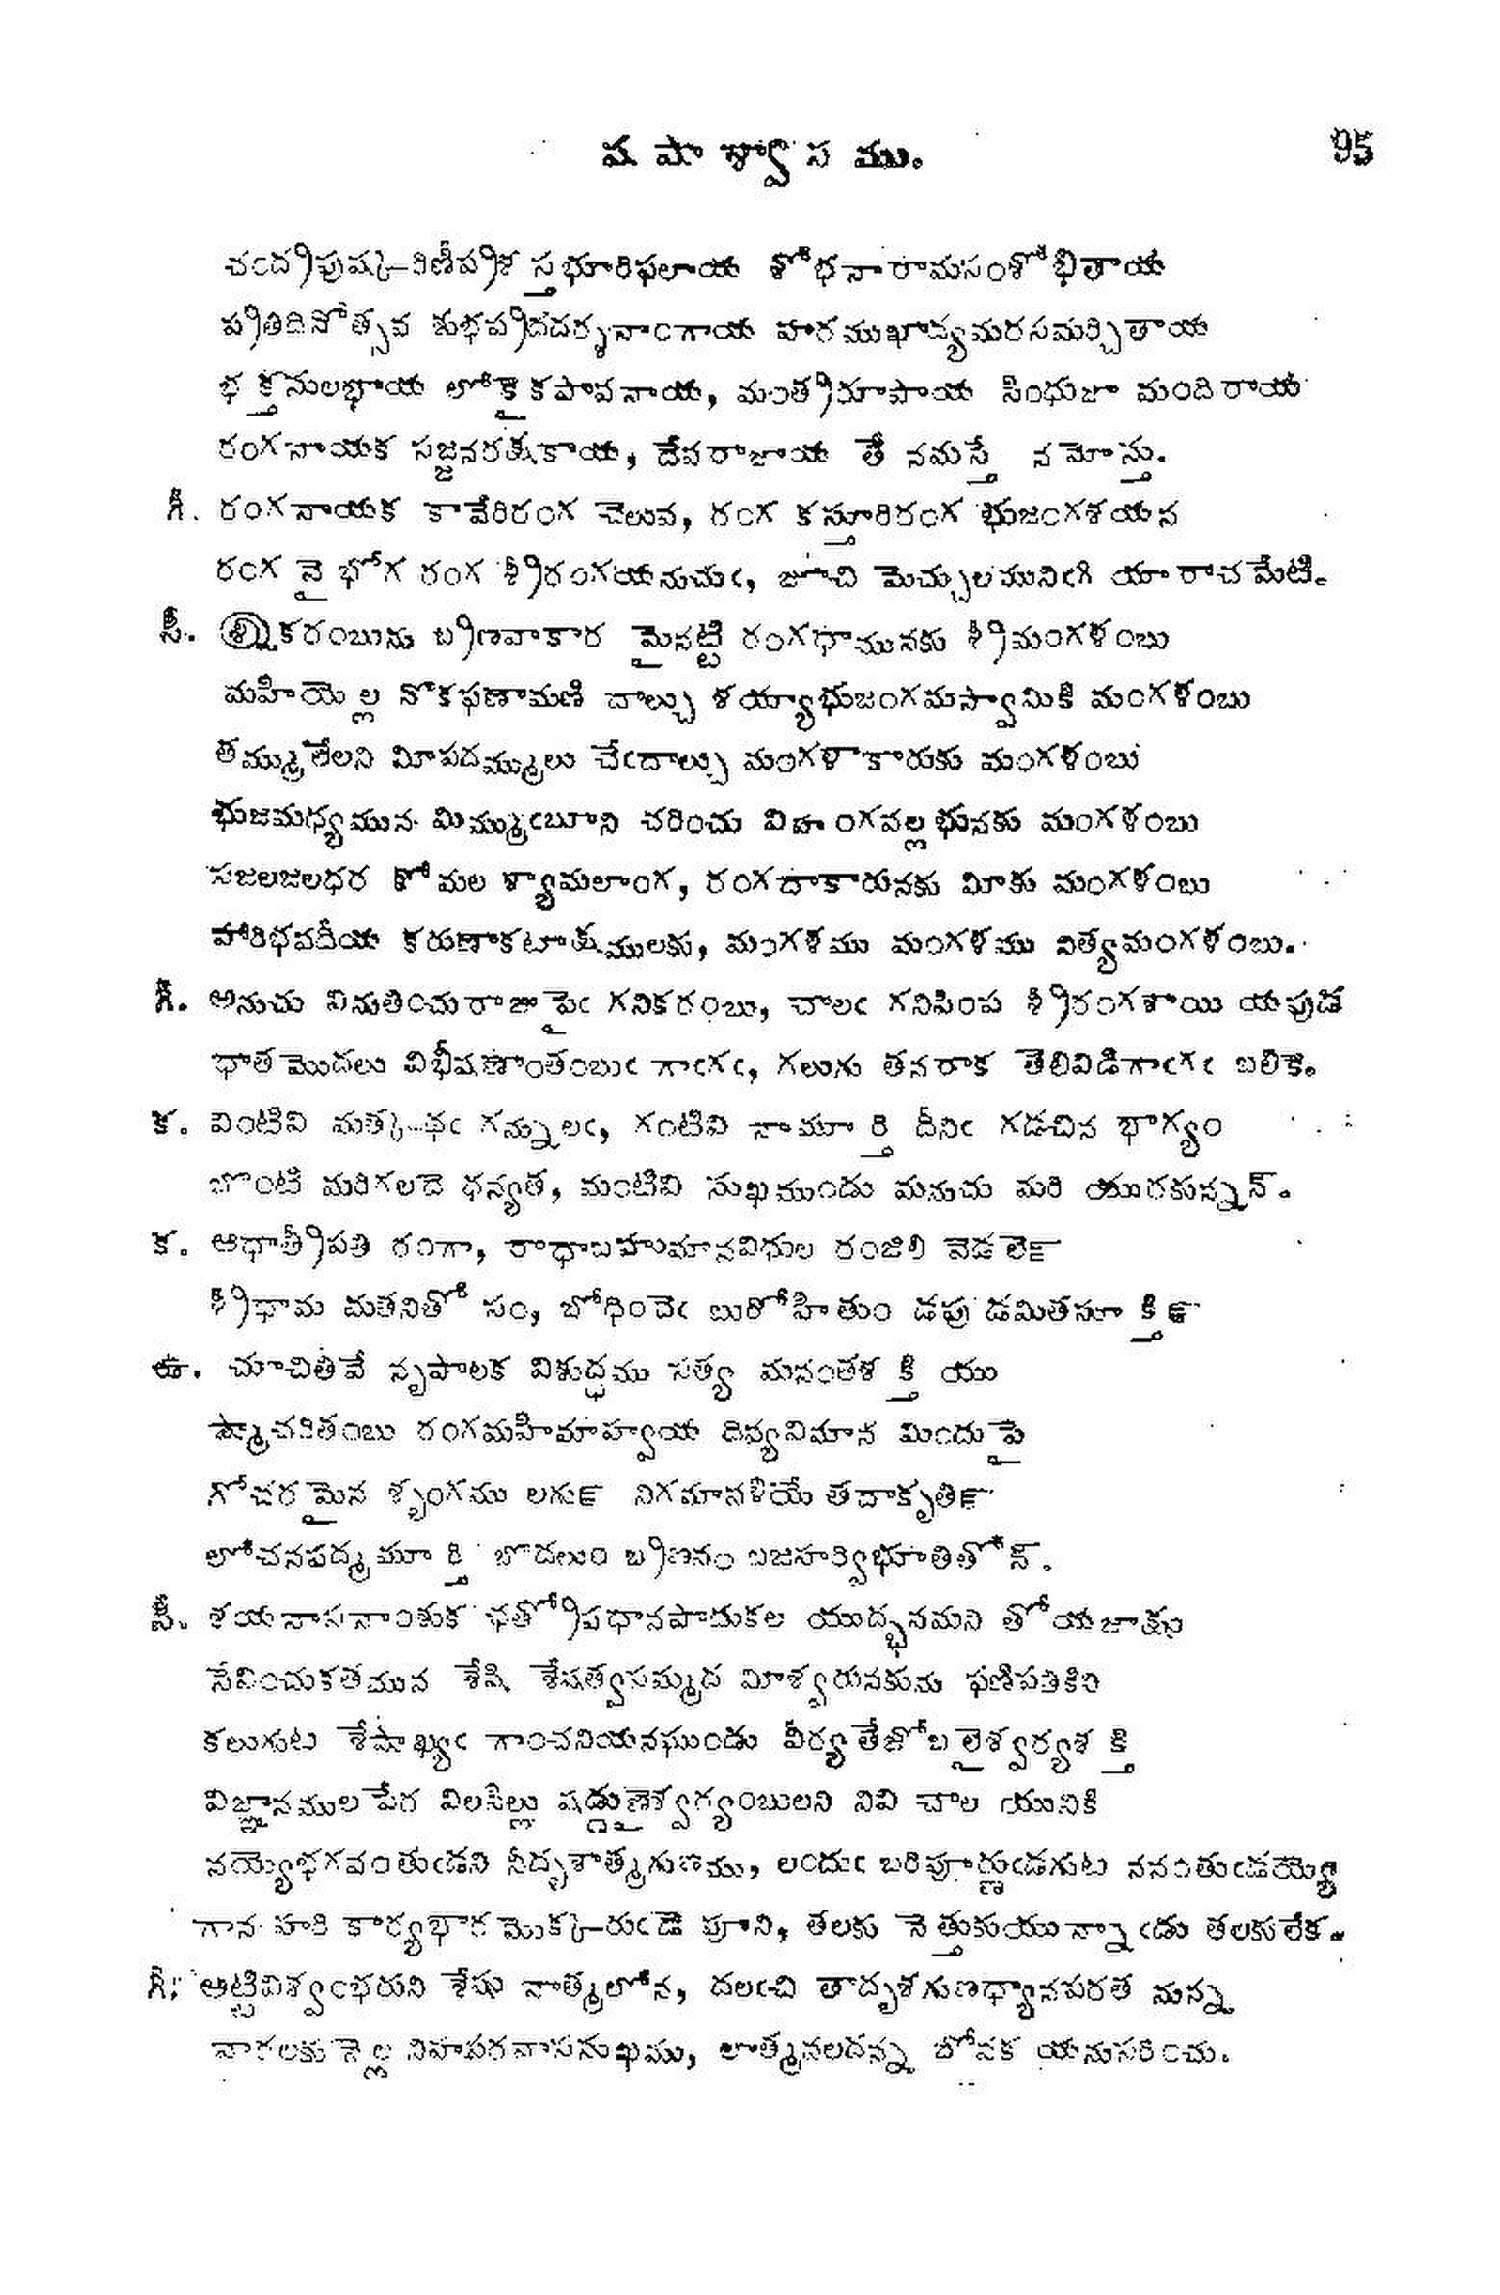చంద్రపుష్కరిణీప్రశస్తభూరిఫలాయ శోభనారామసంశోభితాయ
 ప్రతిదినోత్సవ శుభప్రదదర్శనాంగాయ హరముఖాద్యమరసమర్చితాయ
 భక్తసులభాయ లోకైకపావనాయ, మంత్రరూపాయ సింధుజామందిరాయ
 రంగనాయక సజ్జనరక్షకాయ, దేవరాజాయ తే నమస్తే నమోస్తు.
గీ. రంగనాయక కావేరిరంగ చెలువ, రంగ కస్తూరిరంగ భుజంగశయన
 రంగవైభోగ రంగ శ్రీరంగ యనుచుఁ, జూచి మెచ్చుల మునిఁగి యారాచమేటి.
సీ. శ్రీకరంబును బ్రణవాకార మైనట్టి రంగధామునకు శ్రీమంగళంబు
 మహియెల్ల నొకఫణామణి దాల్చు శయ్యాభుజంగమస్వామికి మంగళంబు
 తమ్ములేలని మీపదమ్ములు చేఁదాల్చు మంగళాకారుకు మంగళంబు
 భుజమధ్యమున మిమ్ముఁబూని చరించు విహంగవల్లభునకు మంగళంబు
 సజలజలధర కోమల శ్యామలాంగ, రంగదాకారునకు మీకు మంగళంబు
 హారిభవదీయ కరుణాకటాక్షములకు, మంగళము మంగళము నిత్యమంగళంబు.
గీ. అనుచు వినుతించు రాజుపైఁ గనికరంబు, చాలఁ గనిపింప శ్రీరంగశాయి యపుడ
 ధాతమొదలు విభీషణాంతంబుఁ గాఁగఁ, గలుగు తనరాక తెలివిడిగాఁగఁ బలికె.
క. వింటివి మత్కథఁ గన్నులఁ, గంటివి నామూర్తి దీనిఁ గడచిన భాగ్యం
 బొంటి మరిగలదె ధన్యత, మంటివి సుఖముండు మనుచు మరి యురకున్నన్.
క. ఆధాత్రీపతి రంగా, రాధాబహుమానవిధుల రంజిలి వెడలెన్
 శ్రీధామ మతనితో సం, బోధించెఁ బురోహితుం డపు డమితసూక్తిన్.
ఉ. చూచితివే నృపాలక విశుద్ధము సత్య మనంతశక్తి యు
 ష్మాచరితంబు రంగమహిమాహ్వయ దివ్యవిమాన మిందుపై
 గోచరమైన శృంగము లగున్ నిగమావళియే తదాకృతిన్
 లోచనపద్మమూర్తి బొదలుం బ్రణవం బజహర్విభూతితోన్.
సీ. శయనాసనాంశుక ఛత్రోపధానపాదుకల యుద్భవమని తోయజాక్షు
 సేవించుకతమున శేషి శేషత్వసమ్మద మీశ్వరునకును ఫణిపతికిని
 కలుగుట శేషాఖ్యఁ గాంచనియనఘుండు వీర్యతేజోబలైశ్వర్యశక్తి
 విజ్ఞానముల పేర విలసిల్లు షడ్గుణైశ్వర్యంబులని నివి చాల యునికి
 నయ్యెభగవంతుఁడని నీదృశాత్మగుణము, లందుఁ బరిపూర్ణుడగుట ననంతుఁడయ్యె
 గాన హరి కార్యభార మొక్కరుఁడె పూని, తలకు నెత్తుకుయున్నాఁడు తలకులేక.
గీ. అట్టివిశ్వంభరుని శేషు నాత్మలోన, దలఁచి తాదృశగుణధ్యానపరత నున్న
 వారలకు నెల్ల నిహపరవాససుఖము, లాత్మవలదన్న బోవక యనుసరించు.